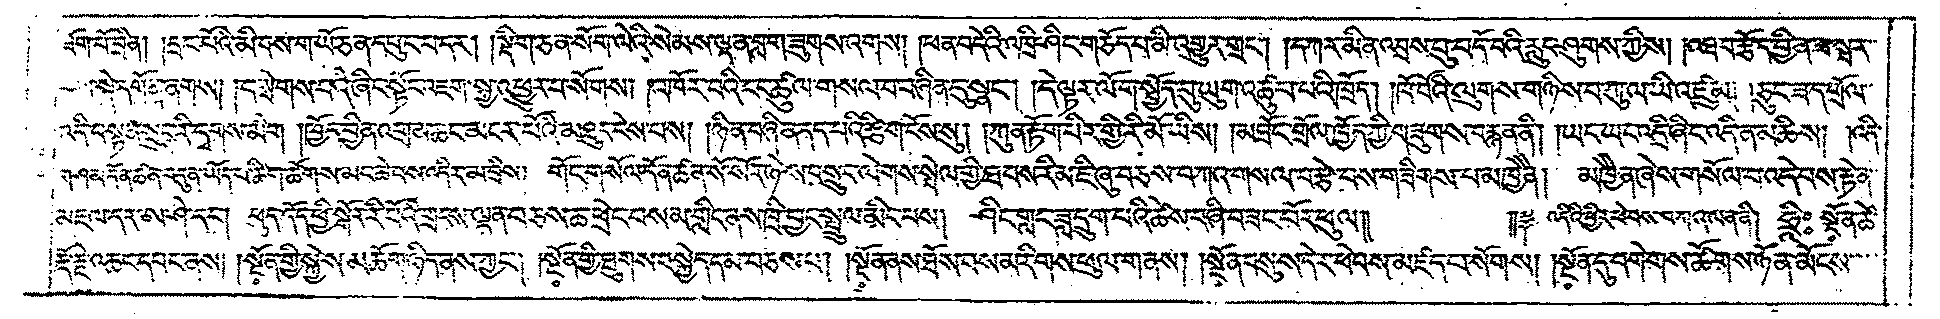ཟོག་པོ་བྲིན། །དྲང་པོའི་མི་བས་གཡོ་ཅན་དཔུང་པ་དར། །སྡིག་ཅན་སོག་ལེའི་སེམས་ལྡན་བླ་གཟུགས་འགས། །ཕན་བདེའི་འཁྲི་ཤིང་གཅོད་པ་མི་འགྱུར་གྲང་། །དཀར་མིན་འབྲས་བུ་བདོ་བའི་རླུང་ཤུགས་ཀྱིས། །འཐབ་རྩོད་བྱིན་ཟ་སྦར་
བས་སྡེ་དགོན་ནགས། །བསྲེགས་པའི་ཞིང་སྟོང་འཇག་སྐྱ་འཕྱུར་བ་སོགས། །འཁོར་བའི་ངང་ཚུལ་གསལ་བ་བཞིན་དུ་སྣང་། །དེ་ལྟར་ལོག་སྤྱོད་བུ་ཡུག་འཚུབ་པའི་ཁྲོད། །ཁོ་བོའི་ལུགས་གཉིས་པ་ཀུ་ལ་ཡི་འཛུམ། །ཅུང་ཟད་གྲོལ་
འདི་བསྟན་སྲུང་རི་དྭགས་མིག །ཁྱོད་བྱིན་འགྲམ་ཆང་མངར་པོའི་མཐུར་ངེས་པས། །ཉིན་བཞིན་དད་པའི་རྩིག་ངོས་སུ། །ཀུན་རྟོག་པིར་གྱི་རི་མོ་ཡིས། །མཐོང་གྲོལ་ཁྱོད་ཀྱི་གཟུགས་བརྙན་ནི། །ཡང་ཡང་འདྲི་ཞིང་འདི་ན་མཆིས། །འདི་
གཤམ་དོན་ཚན་བདུན་ཡོད་པ་ཚིག་ཚོགས་མང་ཆེ་བས་འདིར་མ་བྲིས། གོང་གསོལ་དོན་ཚན་སོ་སོར་ཉེས་བསྲུང་ལེགས་སྤེལ་གྱི་ཐབས་རིམ་ཇི་ཞུ་བཅས་བཀའ་གསལ་བརྩེ་བས་གཟིགས་པ་མཁྱཻཨེན་ཞེས་གསོལ་བ་འདེབས་རྟེན་
མཇལ་དར་ཨ་ཤེ་དང་། ཕུད་དོད་ཕྱི་སྒོར་རི་བོའི་གྲངས་ལྡན་བཅས་ཆ་ཕྲེང་བསམ་གླིང་ནས་ཁྲི་བྱང་སྤྲུལ་མིང་པས། །ཤིང་གླང་ཟླ་དྲུག་པའི་ཚེས་བཞི་བཟང་པོར་ཕུལ།། །།༈ འདིའི་ཕྱིར་ཕེབས་བཀའ་ལན་ནི།  ཧྲཱིཿ སྔོན་ཚེ་
རྡོ་རྗེ་འཆང་དབང་ནས། །སྔོན྾་གྱི་སྐྱེས་མཆོག་ཉིད་ནས་ཀྱང་། །སྔོན྾་གྱི་ཐུགས་བསྐྱེད་དམ་བཅས་པ། །སྔོན྾་ནས་ཐོས་བསམ་རིགས་ཕུལ་གནས། །སྔོན྾་བསུས་དེར་ཕེབས་མཛད་པ་སོགས། །སྔོན་དུ་བགེགས་ཚོགས་ཉོན་མོངས་